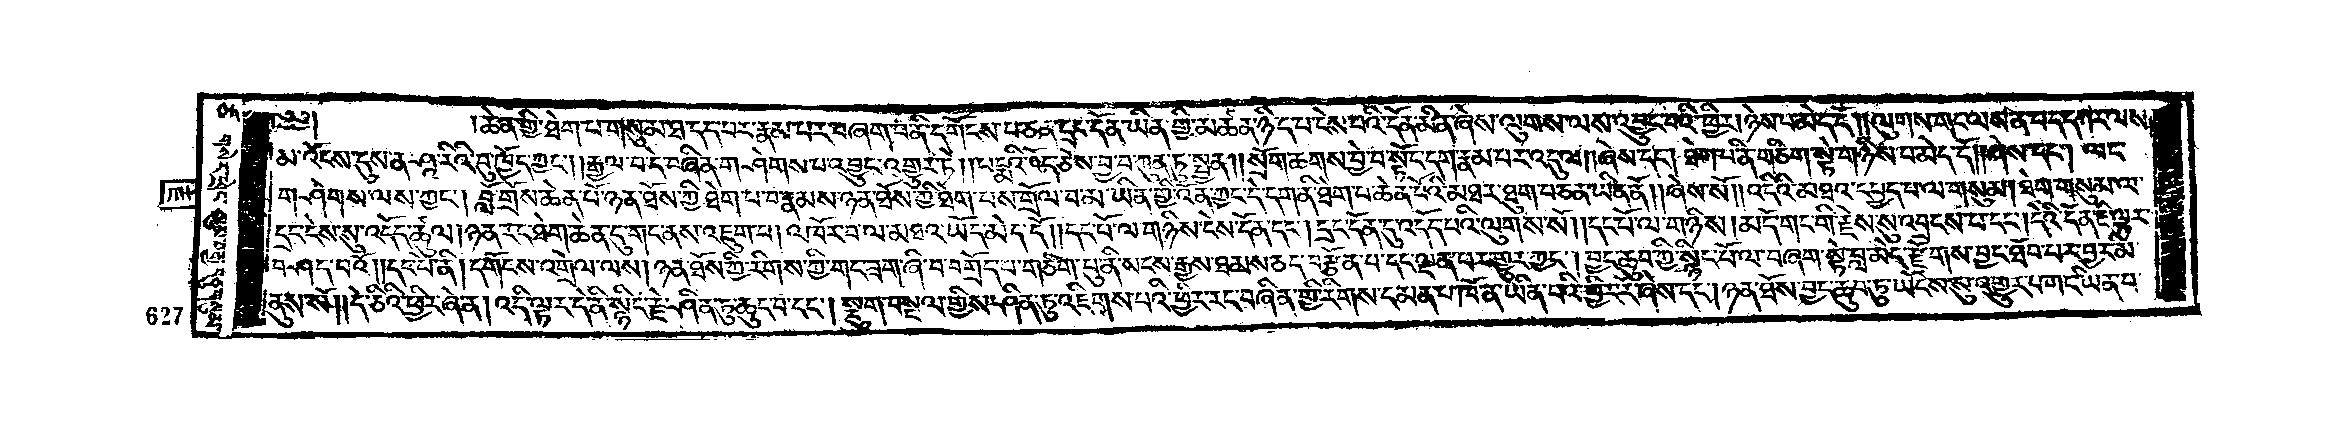༄༅། །ཆེན་གྱི་ཐེག་པ་གསུམ་ཐ་དད་པར་རྣམ་པར་བཞག་པ་ནི་དགོངས་པ་ཅན་དྲང་དོན་ཡིན་གྱི་མཚན་ཉིད་པ་ངེས་པའི་དོན་མིན་ཞེས་ལུགས་ལས་འབྱུང་བའི་ཕྱིར། ཉེས་པ་མེད་དོ། །ལུགས་གང་ལས་ན་པད་དཀར་ལས།
མ་འོངས་དུས་ན་ཤཱ་རིའི་བུ་ཁྱོད་ཀྱང་། །རྒྱལ་བ་དེ་བཞིན་གཤེགས་པ་འབྱུང་འགྱུར་ཏེ། །པདམའི་འོད་ཅེས་བྱ་བ་ཀུན་ཏུ་སྤྱན། །སྲོག་ཆགས་བྱེ་བ་སྟོང་དག་རྣམ་པར་འདུལ། །ཞེས་དང་། ཐེག་པ་ནི་གཅིག་སྟེ་གཉིས་པ་མེད་དོ། །ཞེས་དང་། ལང་
གཤེགས་ལས་ཀྱང་། བློ་གྲོས་ཆེན་པོ་ཉན་ཐོས་ཀྱི་ཐེག་པ་བ་རྣམས་ཉན་ཐོས་ཀྱི་ཐེག་པས་གྲོལ་བ་མ་ཡིན་གྱི་འོན་ཀྱང་དེ་དག་ནི་ཐེག་པ་ཆེན་པོའི་མཐར་ཐུག་པ་ཅན་ཡིན་ནོ། །ཞེས་སོ། །འདིའི་མཐའ་དཔྱད་པ་ལ་གསུམ། ཐེག་གསུམ་ལ་
དྲང་ངེས་སུ་འདོད་ཚུལ། ཉན་རང་ཐེག་ཆེན་དུ་གང་ནས་འཇུག་པ། འཁོར་བ་ལ་མཐའ་ཡོད་མེད་དོ། །དང་པོ་ལ་གཉིས་ངེས་དོན་དང་། དྲང་དོན་དུ་འདོད་པའི་ལུགས་སོ། །དང་པོ་ལ་གཉིས། མདོ་གང་གི་རྗེས་སུ་འབྲངས་པ་དང་། དེའི་དོན་ཇི་ལྟར་
བཤད་པའོ། །དང་པོ་ནི། དགོངས་འགྲེལ་ལས། ཉན་ཐོས་ཀྱི་རིགས་ཀྱི་གང་ཟག་ཞི་བ་བགྲོད་པ་གཅིག་པུ་ནི་སངས་རྒྱས་ཐམས་ཅད་བརྩོན་པ་དང་ལྡན་པར་གྱུར་ཀྱང་། བྱང་ཆུབ་ཀྱི་སྙིང་པོ་ལ་བཞག་སྟེ་བླ་མེད་རྫོགས་བྱང་ཐོབ་པར་བྱར་མི་
ནུས་སོ། །དེ་ཅིའི་ཕྱིར་ཞེ་ན། འདི་ལྟར་དེ་ནི་སྙིང་རྗེ་ཤིན་ཏུ་ཆུང་བ་དང་། སྡུག་བསྔལ་གྱིས་ཤིན་ཏུ་འཇིགས་པའི་ཕྱིར་རང་བཞིན་གྱི་རིགས་དམན་པ་ཁོ་ན་ཡིན་པའི་ཕྱིར་རོ་ཞེས་དང་། ཉན་ཐོས་བྱང་ཆུབ་ཏུ་ཡོངས་སུ་འགྱུར་པ་གང་ཡིན་པ་